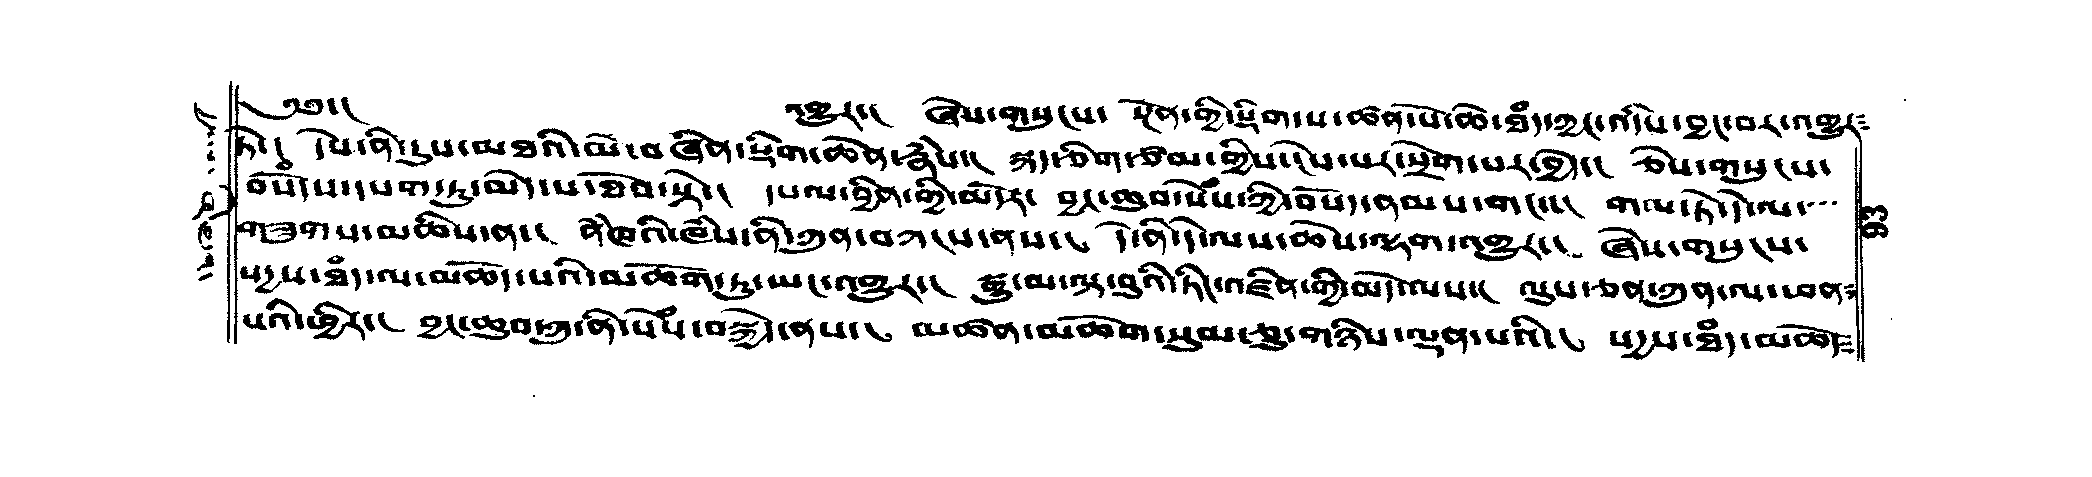འགྱུར། ཞེས་གསུངས། སྔོན་གྱི་སྡིག་པ་ཚན་པོ་ཆེ་ཐམས་ཅད་ཀྱང་འདིས་བྱང་བར་འགྱུར་
ཏེ། དེས་ནི་དུས་མཐའི་མེ་བཞིན་སྡིག་ཆེན་རྣམས། སྐད་ཅིག་ཙམ་གྱིས་ངེས་པར་སྲེག་པར་བྱེད། ཅེས་གསུངས་
བསོད་ནམས་དཔག་ཏུ་མེད་པ་ཐོབ་སྟེ། དཔལ་བྱིན་གྱི་མདོར། བྱང་ཆུབ་སེམས་ཀྱི་བསོད་ནམས་གང་། གལ་ཏེ་དེ་ལས་
གཟུགས་མཆིས་ན། ནམ་མཁའི་ནི་ཀུན་བཀངས་ནས། དེ་ནི་དེ་ལས་ཆོས་ལྷག་འགྱུར། ཞེས་གསུངས་
སངས་རྒྱས་ཐམས་ཅད་ལ་མཆོད་པའི་མཆོག་ཏུ་ཡང་འགྱུར། སྒྱུ་མ་ལྟ་བུའི་ཏིང་འཛིན་གྱི་མདོ་ལས། ལུས་ཅན་ཀུན་ལ་ཕན་
པའི་ཕྱིར། བྱང་ཆུབ་ཀུ་ནི་སེམས་བསྐྱེད་ནས། མཚན་མཆོག་སུམ་ཅུ་གཉིས་ལྡན་པའི། སངས་རྒྱས་ཐམས་ཅད་མཆོད་